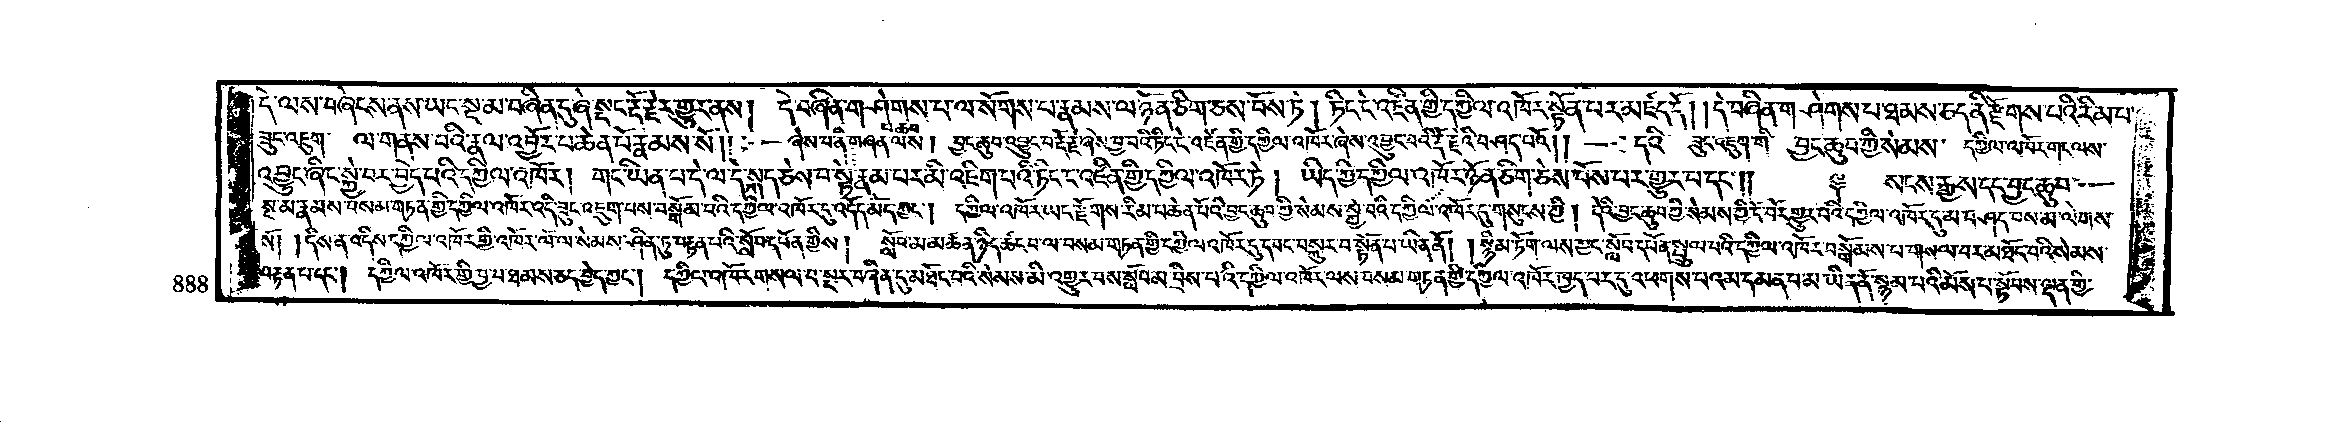དེ་ལས་བཞེངས་ནས་ཡང་སྔ་མ་བཞིན་དུ་ཞེ་སྡང་རྡོ་རྗེར་གྱུར་ནས། དེ་བཞིན་གཤེགས་པ་ལ་སོགས་པ་རྣམས་ལ་ཉོན་ཅིག་ཅས་བོས་ཏེ། ཏིང་ངེ་འཛིན་གྱི་དཀྱིལ་འཁོར་སྟོན་པར་མཛད་དོ། །དེ་བཞིན་གཤེགས་པ་ཐམས་ཅད་ནི་རྫོགས་པའི་རིམ་པ་
ཟུང་འཇུག་ལ་གནས་པའི་རྣལ་འབྱོར་པ་ཆེན་པོ་རྣམས་སོ།། H.་ཞེས་པ་ནི་གཞན་ལས། བྱང་ཆུབ་འབྱུང་བ་རྡོ་རྗེ་ཞེས་བྱ་བའི་ཏིང་ངེ་འཛིན་གྱི་དཀྱིལ་འཁོར་ཞེས་འབྱུང་བའི་རྡོ་རྗེའི་བཤད་པའོ།།  .H དེའི་ཟུང་འཇུག་གི་བྱང་ཆུབ་ཀྱི་སེམས་དཀྱིལ་འཁོར་གང་ལས་
འབྱུང་ཞིང་སྐྱེ་བར་བྱད་པའི་དཀྱིལ་འཁོར། གང་ཡིན་པ་དེ་ལ་དེ་སྐད་ཅེས་པ་སྟེ་རྣམ་པར་མི་འཇིག་པའི་ཏིང་ངེ་འཛིན་གྱི་དཀྱིལ་འཁོར་ཏེ། ཡིད་ཀྱི་དཀྱིལ་འཁོར་ཉོན་ཅིག་ཅེས་པོས་པར་གྱུར་པ་དང།། ༈ སངས་རྒྱས་དང་བྱང་ཆུབ་H.
སྔ་མ་རྣམས་བསམ་གཏན་གྱི་དཀྱིལ་འཁོར་འདི་ཟུང་འཇུག་པས་བསྒོམ་པའི་དཀྱིལ་འཁོར་དུ་འདོད་མོད་ཀྱང་། དཀྱིལ་འཁོར་ཡང་རྫོགས་རིམ་པ་ཆེན་པོའི་བྱང་ཆུབ་ཀྱི་སེམས་སྐྱེ་བའི་དཀྱིལ་འཁོར་དུ་གསུངས་ཀྱི། དེའི་བྱང་ཆུབ་ཀྱི་སེམས་ཀྱི་ངོ་བོར་གྱུར་པའི་དཀྱིལ་འཁོར་དུ་མ་བཤད་པས་མ་ལེགས་
སོ། །དེས་ན་འདིས་དཀྱིལ་འཁོར་གྱི་འཁོར་ལོ་ལ་སེམས་ཤིན་ཏུ་བརྟན་པའི་སློབ་དཔོན་གྱིས། སློབ་མ་མཚན་ཉིད་ཚང་བ་ལ་བསམ་གཏན་གྱི་དཀྱིལ་འཁོར་དུ་དབང་བསྐུར་བ་སྟོན་པ་ཡིན་ནོ། །སྙིམ་ཏོག་ལས་ཀྱང་སློབ་དཔོན་སྤྲུལ་བའི་དཀྱིལ་འཁོར་བསྒོམས་པ་གསལ་བར་མཐོང་བའི་སེམས་
བརྟན་པ་དང་། དཀྱིལ་འཁོར་གྱི་བྱ་བ་ཐམས་ཅད་བྱེད་ཀྱང་། དཀྱིལ་འཁོར་གསལ་བ་སྔར་བཞིན་དུ་མཐོང་བའི་སེམས་མི་འགྱུར་བས་སློབ་མ་བྲིས་པའི་དཀྱིལ་འཁོར་ལས་བསམ་གཏན་གྱི་དཀྱིལ་འཁོར་ཁྱད་པར་དུ་འཕགས་པའམ་དམན་པ་མ་ཡིན་ནོ་སྙམ་པའི་མོས་པ་སྟོབས་ལྡན་གྱི་